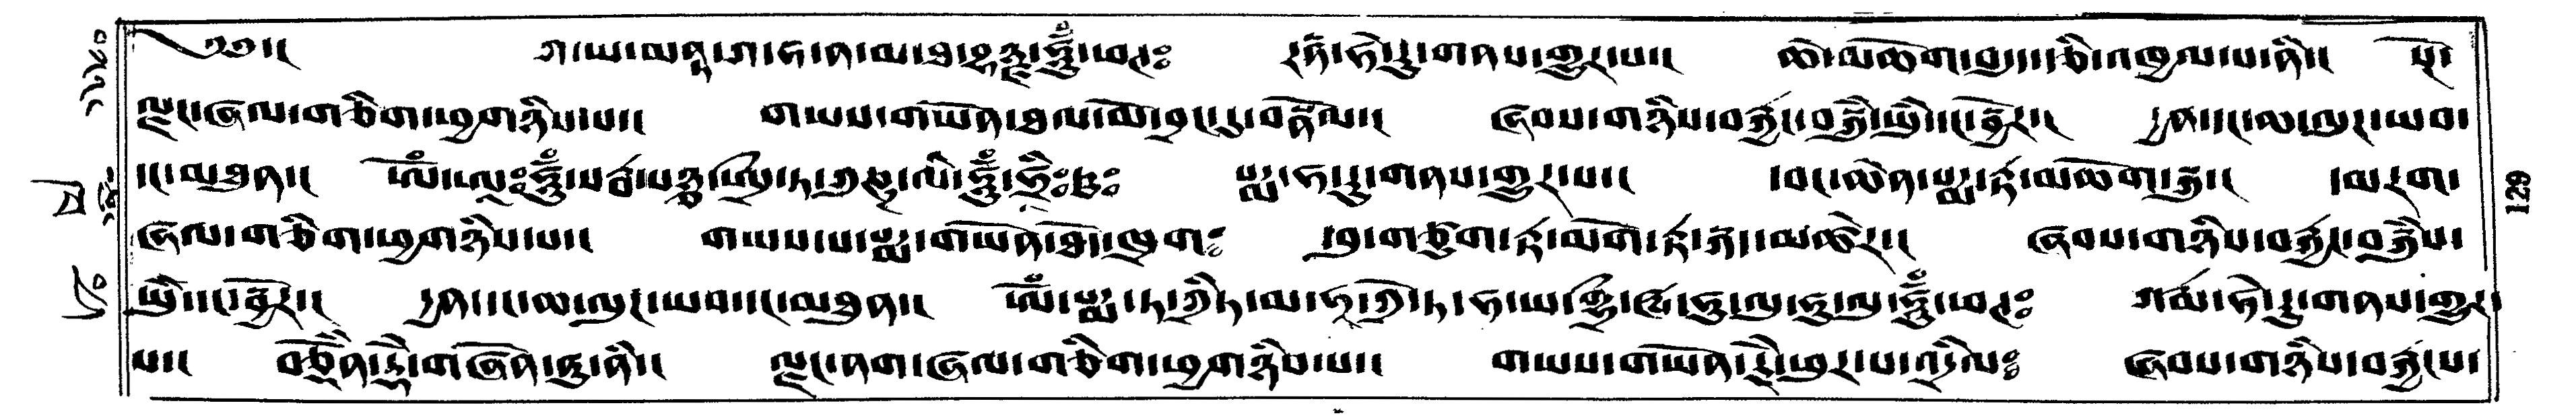ཀ་ཡ་མནྟ་ཀ་ཧ་ན་མ་ཐ་བྷཉྫ་ཧཱུྃ་ཕཊཿ རཏྣ་ཧེ་རུ་གནས་འགྱུར་པ། །ཆེ་མཆོག་བདུད་རྩི་འཁྱིལ་པ་ནི། སྔོ་
ལྗང་ཞལ་གཅིག་ཕྱག་གཉིས་པ། །གཡས་གཡོན་ཐལ་མོ་བྲང་དུ་བསྣོལ། །ཞབས་གཉིས་བརྐྱང་བསྐུམ་ཡུམ་དང་སྦྱོར། །རྒྱན་དང་ཆ་ལུགས་ཡབ་
དང་མཐུན། ཨོཾ་ཨཱཿཧཱུྃ་སརྦ་པཉྩ་ཨ་མྲྀ་ཏ་ཀུཎྜ་ལི་ཧཱུྃ་ཧྲཱིཿཋཿ པདྨ་ཧེ་རུ་གནས་འགྱུར་པ། །དབང་ཆེན་པདྨ་རྟ་མཆོག་སྐུ། །དམར་ནག་
ཞལ་གཅིག་ཕྱག་གཉིས་པ། །གཡས་པས་པདྨ་གཡོན་ཐོད་ཁྲག །དབུ་གཙུག་རྟ་མགོ་རྟ་སྐད་འཚེར། །ཞབས་གཉིས་བརྐྱང་བསྐུམ་
ཡུམ་དང་སྦྱོར། །རྒྱན་དང་ཆ་ལུགས་ཡབ་དང་མཐུན། །ཨོཾ་པདྨ་ཏ་ཀྲིཏ་མ་ཧཱ་ཀྲོ་ཏ་ཧ་ཡ་གྷྲྀ་ཝ་ཧུ་ལུ་ཧུ་ལུ་ཧཱུྃ་ཕཊཿ ཀརྨ་ཧེ་རུ་གནས་འགྱུར་
པ། །བཅོམ་ལྡན་རྡོ་རྗེ་གཞོན་ནུ་ནི། །ལྗང་ནག་ཞལ་གཅིག་ཕྱག་གཉིས་པ། །གཡས་གཡོན་རྡོ་རྗེ་ཕུར་པ་འདྲིལ། །ཞབས་གཉིས་བརྐྱང་